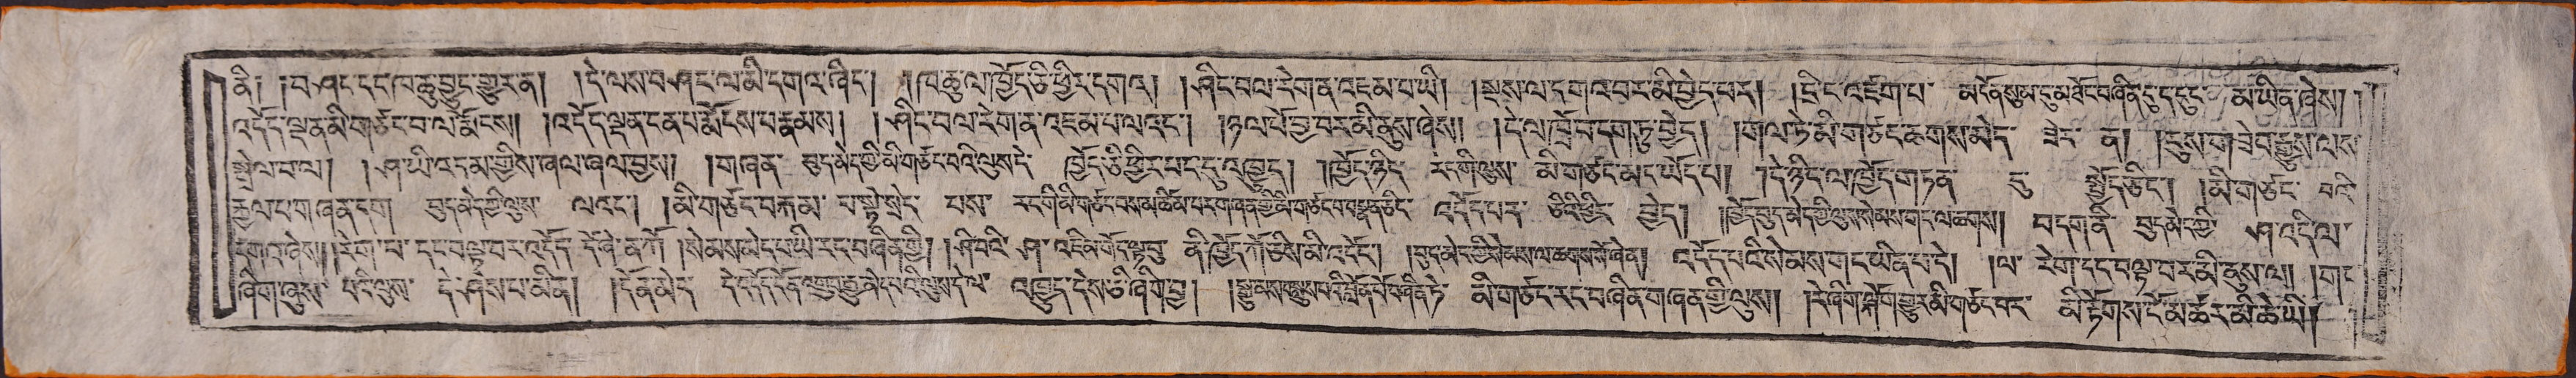ནི༑ ༑བཤད་དང་ཁ་ཆུ་བྱུང་གྱུར་ན། །དེ་ལས་བཤང་ལ་མི་དགའ་ཞིང་། །ཁ་ཆུ་ལ་ཁྱོད་ཅི་ཕྱིར་དགའ། །ཤིང་བལ་རེག་ན་འཇམ་པ་ཡི། །སྔགས་ལ་དགའ་བར་མི་བྱེད་པར། །དྲེ་ང་འདག་པ་མངོན་སུམ་དུ་མཐོང་བཞིན་དུ་ད་དུང་མ་ཡིན་ཞེས། །
འདོད་ལྡན་མི་གཙང་བ་ལ་རྨོངས། །འདོད་ལྡན་ངན་པ་རྨོངས་པ་རྣམས། །ཤིང་བལ་རེག་ན་འཇམ་པ་ལའང་། །ཉལ་པོ་བྱ་བར་མི་ནུས་ཞེས། །དེ་ལ་ཁྲོ་བག་ཏུ་བྱེད། །གལ་ཏེ་མ་གཙང་ཆགས་མེད་ཟེར་ན། །རུས་གཟེབ་རྒྱུས་ལ་
སྒྲེལ་བ་ལ། །ཤ་ཡི་དམ་གྱིས་ཞལ་ཞལ་བྱས། །གཞན་བུད་མེད་ཀྱི་མི་གཙང་བའི་ལུས་དེ་ཁྱོད་ཅི་ཕྱིར་པང་དུ་འཁྱུད། ། ཁྱོད་ཉིད་རང་གི་ལས་མི་གཙང་མང་ཡོད་པ། །དེ་ཉིད་ལ་ཁྱོད་གཏན་དུ་སྤྱོད་ཅིང་། །མི་གཙང་བའོ
རྒྱལ་བ་གཞན་དག་བུད་མེད་ཀྱི་ལུས་ལའང་། །མི་གཙང་བརྐམ་པ་སྟེ་སྲེད་པས་རང་གི་མི་གཙང་པས་མ་ཚིམ་པར་གཞན་གྱི་མི་གཙང་བ་བསྣན་ཅིང་འདོད་པར་ཅིའི་ཕྱིར་བྱེད། །ཁྱོད་བུད་མེད་ཀྱི་ལུས་སེམས་གང་ལ་ཆགས།  བདག་ནི་བུད་མེད་ཀྱི་ཤ་འདི་ལ་
དགའ་ཞེས། །རེག་པ་དང་བལྟ་བར་འདོད་དོ་ཞེས་ན་ལོ་།སེམས་མེད་པ་ཡི་རང་བཞིན་གྱི། །ཤི་བའི་ཤ་འཇམ་གོང་ལྟ་བུ་ནི་ཁྱོད་གོ་ཅིས་མི་འདོད། །བུད་མེད་ཀྱི་སེམས་ལ་ཆགས་སོ་ཞེ་ན།  འདོད་པའི་སེམས་གང་ཡིན་པ་དེ། །ལ་རེག་དག་བལྟ་བར་མི་ནུས་ལ། །གང་
ཞིག་ནུས་པའི་ལུས་དེ་ཤེས་པ་མིན། །དོན་མེད་དེ་འདོད་དོན་འགྲུབ་རྒྱུ་མེད་པའི་ལུས་དེ་ལ་འཁྱུད་དེས་ཅི་ཞིག་བྱ། །སྒྱུར་མས་བསླུས་པའི་བློན་པོ་བཞིན་ཏེ་མི་གཙང་རང་བཞིན་གཞན་གྱི་ལུས། །རེ་ཞིག་ལྐོག་གྱུར་མི་གཙང་བར་མི་རྟོགས་ངོ་མཚར་མེ་ཆེ་ཡི། །